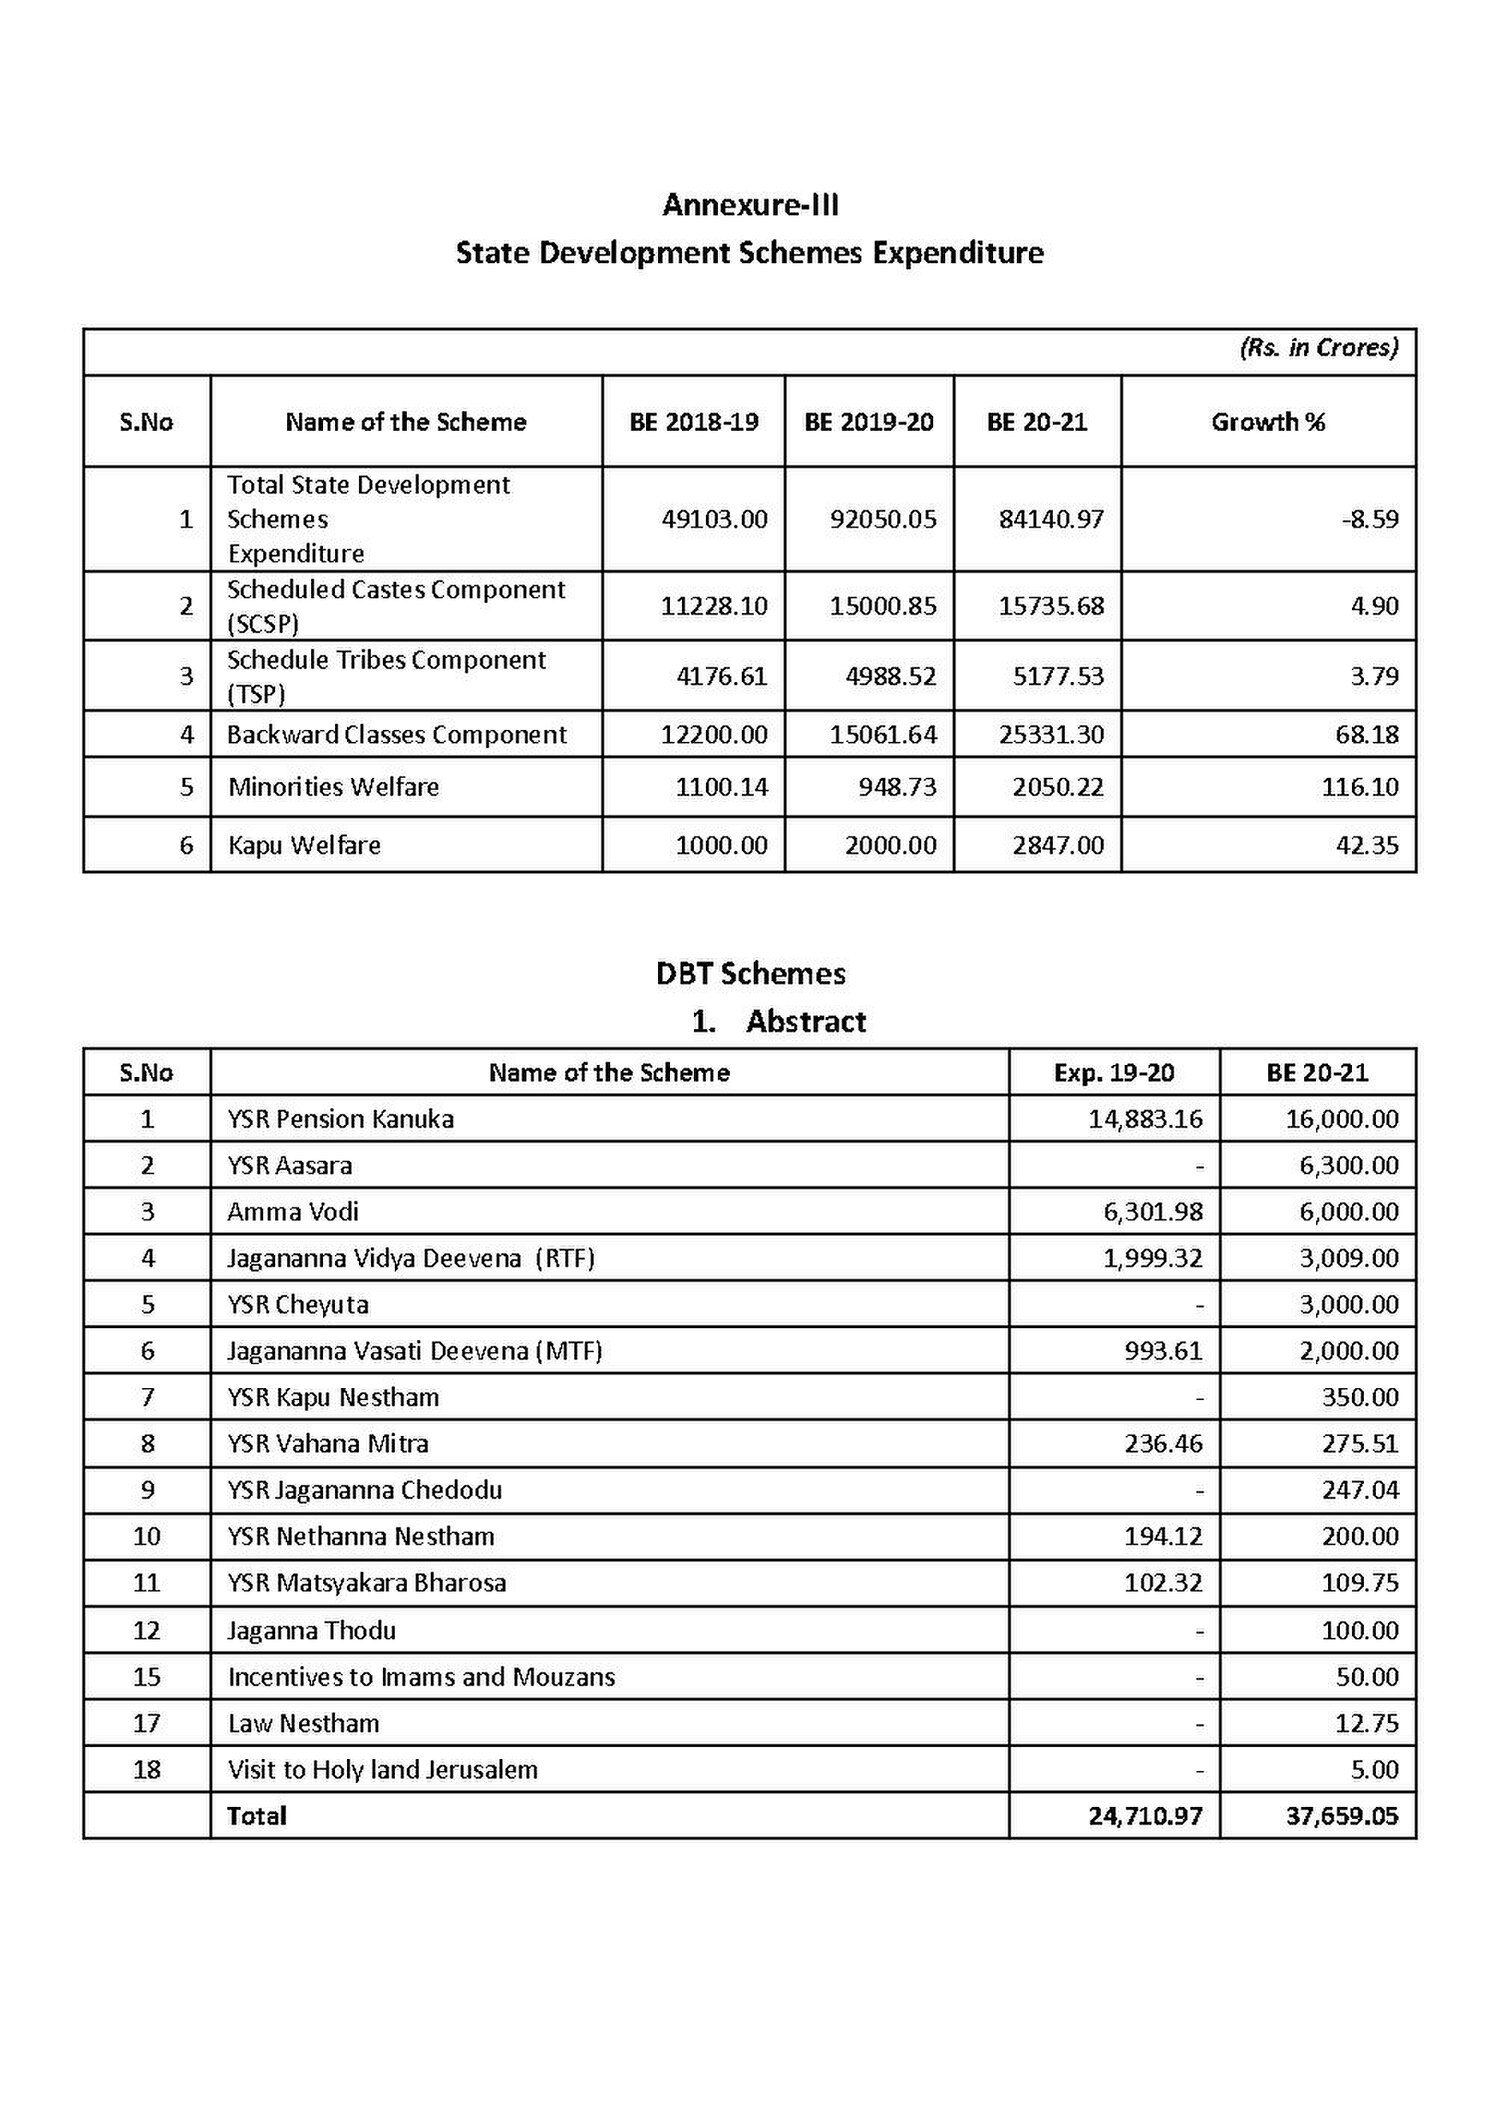Annexure-III

State Development Schemes Expenditure (Rs in Crores)
 Name of the Scheme BE 2018-19 BE 2019-20 BE 20-21 Growth % Total State Development Schemes Expenditure 49103 92050.05 84140.97 -8.59 Scheduled Castes Component (SCSP) 11228.1 15000.85 15735.68 4.9 Schedule Tribes Component (TSP) 4176.61 4988.52 5177.53 3.79 Backward Classes Component 12200 15061.64 25331.3 68.18 Minorities Welfare 1100.14 948.73 2050.22 116.1 Kapu Welfare 1000 2000 2847 42.35

DBT Scehemes
1. Abstract

 Name of the Scheme Exp. 19-20 BE 20-21 YSR Pension Kanuka 14883.16 16000 YSR Aasara - 6300 Amma Vodi 6301.98 6000 Jagananna Vidya Deevena (RTF) 1999.32 3009 YSR Cheyuta - 3000 Jagananna Vasati Deevena (MTF) 993.61 2000 YSR Kapu Nestham - 350 YSR Vahana Mitra 236.46 275.51 YSR Jagananna Chedodu - 247.04 YSR Nethanna Nestham 194.12 200 YSR Matsyakara Bharosa 102.32 109.75 Jaganna Thodu - 100 Incentives to Imams and Mouzans - 50 Law Nestham - 12.75 Visit to Holy land Jerusalem - 5 Total 24710.97 37659.05